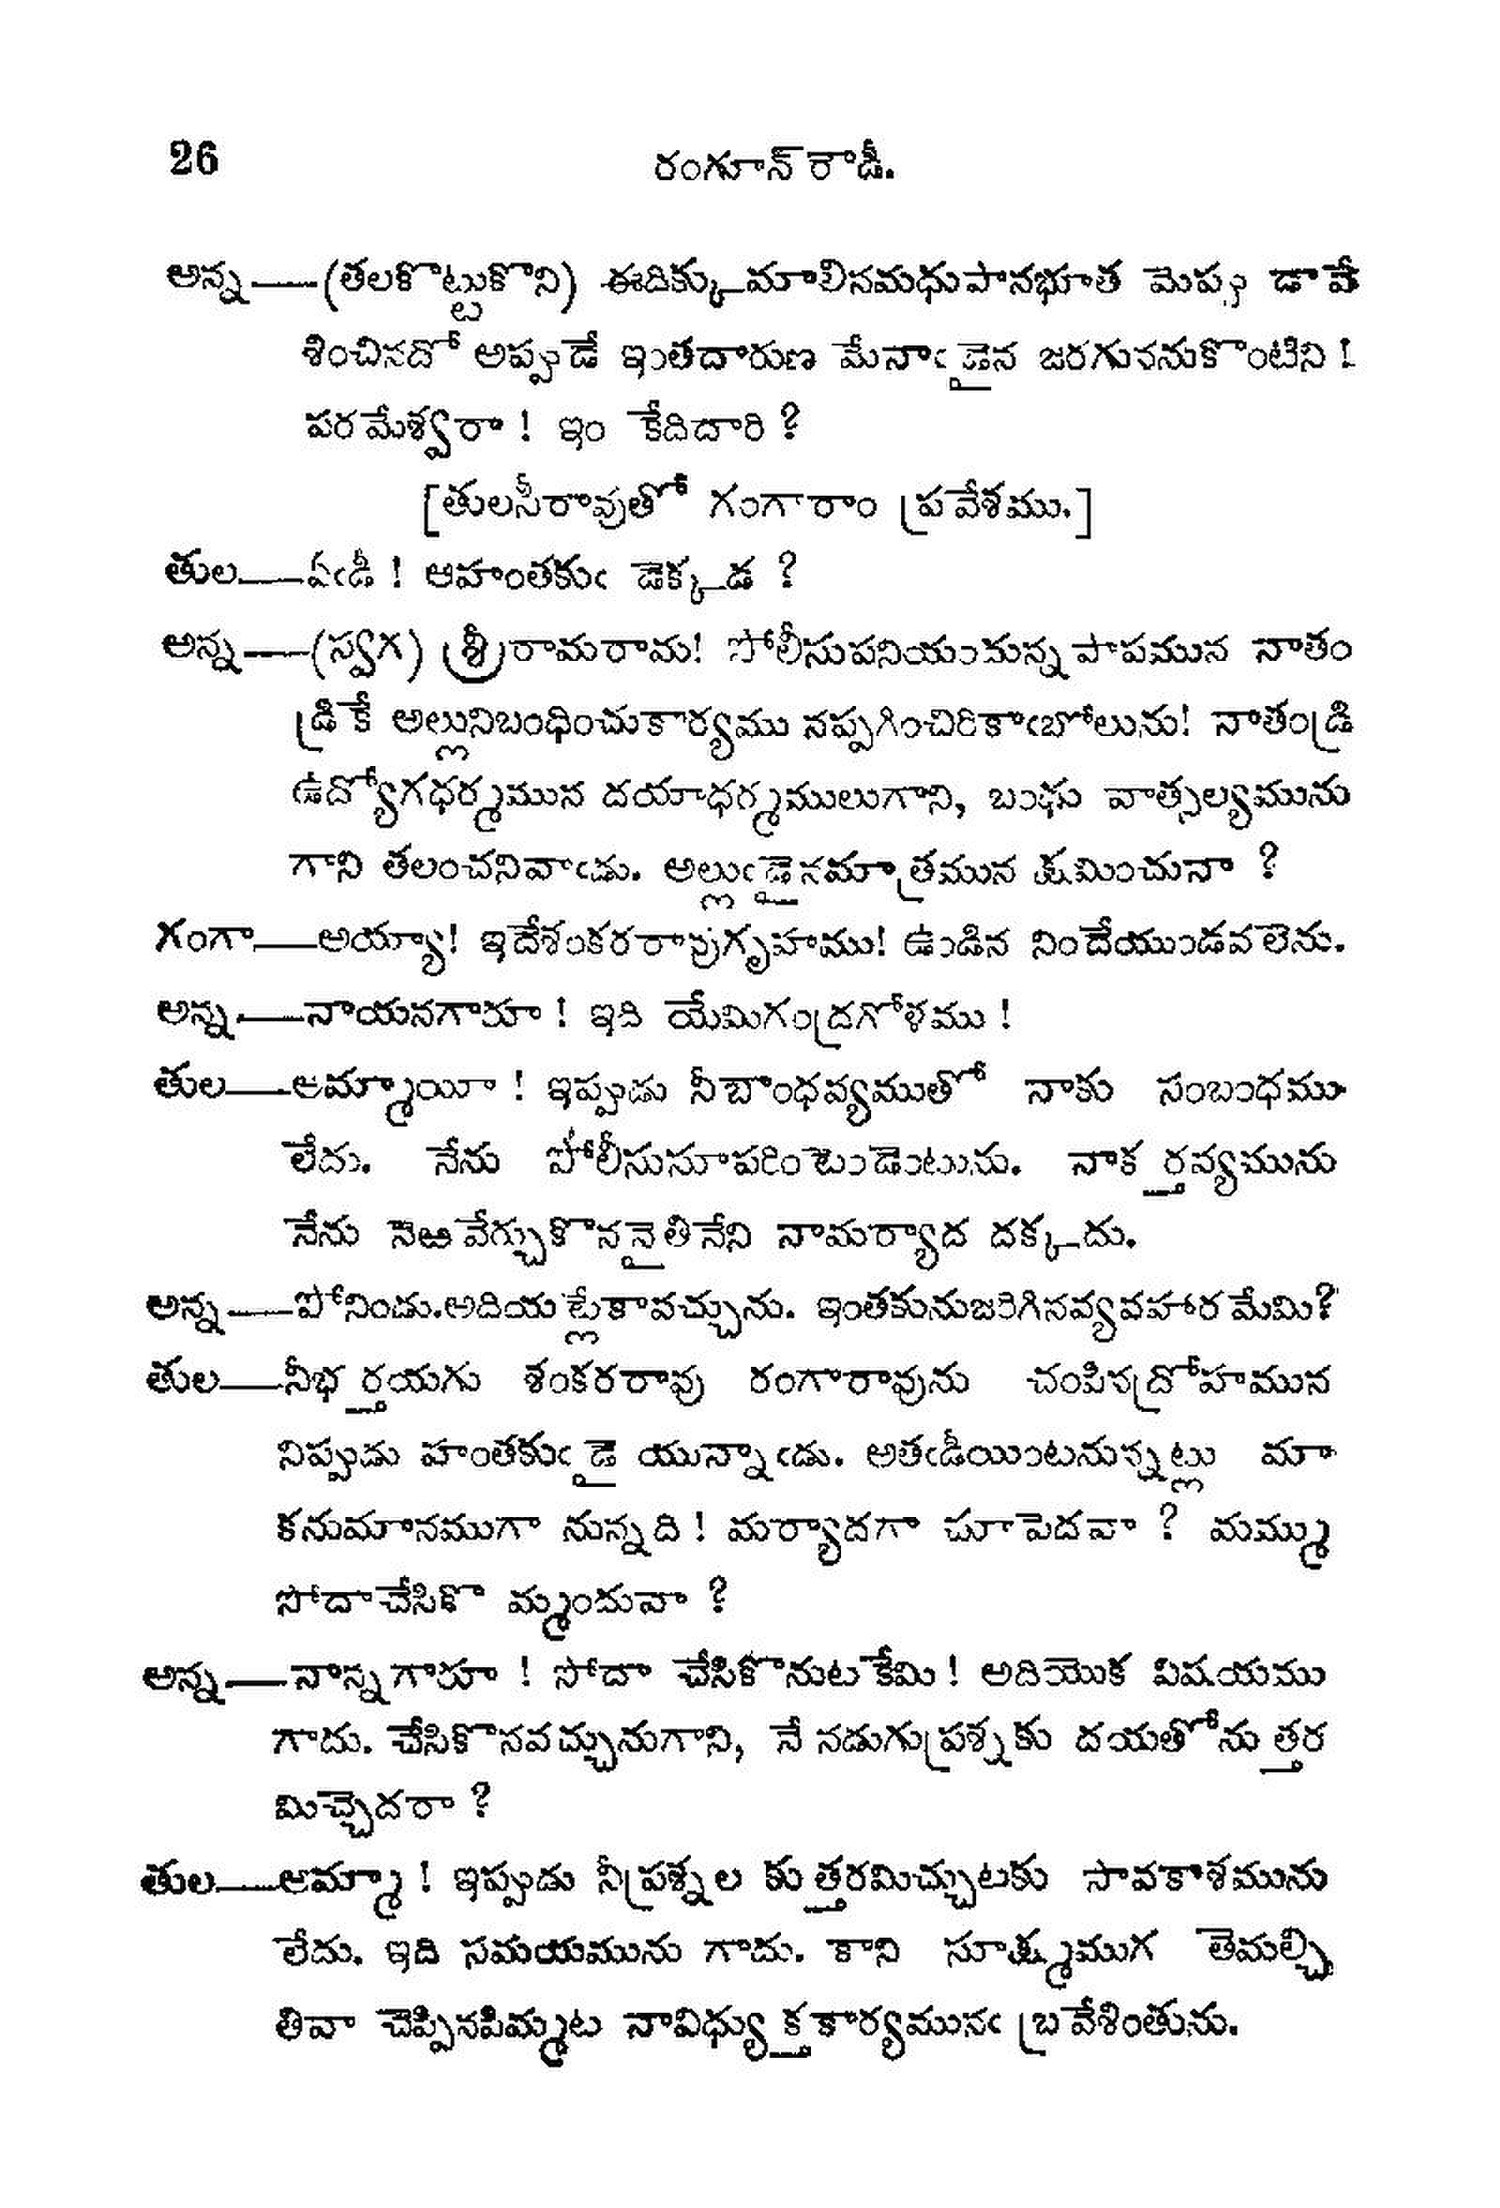అన్న -- (తలకొట్టుకొని) ఈదిక్కుమాలినమధుపానభూత మెప్పు డావేశించినదో అప్పుడే ఇంతదారుణ మేనాఁడైన జరగుననుకొంటిని ! పరమేశ్వరా ! ఇం కేదిదారి ?

తుల - ఏఁడీ ! ఆహంతకుఁ డెక్కడ ?

అన్న -- (స్వగ) శ్రీరామరామ! పోలీసుపనియందున్న పాపమున నాతండ్రికే అల్లునిబంధించుకార్యము నప్పగించిరికాఁబోలును! నాతండ్రి ఉద్యోగధర్మమున దయాధర్మములుగాని, బంధు వాత్సల్యమును
గాని తలంచనివాఁడు. అల్లుఁడైనమాత్రమున క్షమించునా ?

గంగా - అయ్యా! ఇదేశంకరరావుగృహము! ఉండిన నిందేయుండవలెను.

అన్న - నాయనగారూ ! ఇది యేమిగంద్రగోళము !

తుల - అమ్మాయీ ! ఇప్పుడు నీబాంధవ్యముతో నాకు సంబంధము లేదు. నేను పోలీసుసూపరింటు డెంటును. నాకర్తవ్యమును నేను నెఱవేర్చుకొననైతినేని నామర్యాద దక్కదు.

అన్న - పోనిండు.అదియట్లేకావచ్చును. ఇంతకునుజరిగినవ్యవహారమేమి?

తుల - నీభర్తయగు శంకరరావు రంగారావును చంపినద్రోహమున నిప్పుడు హంతకుఁడై యున్నాఁడు. అతఁడీయింటనున్నట్లు మా కనుమానముగా నున్నది ! మర్యాదగా చూపెదవా ? మమ్ము సోదాచేసికొ మ్మందువా

అన్న - నాన్నగారూ ! సోదా చేసికొనుటకేమి ! అదియొక విషయముగాదు. చేసికొనవచ్చునుగాని, నే నడుగుప్రశ్నకు దయతోనుత్తర మిచ్చెదరా ?

తుల - అమ్మా ! ఇప్పుడు ప్రశ్నల కుత్తరమిచ్చుటకు సావకాశమును లేదు. ఇది సమయమును గాదు. కాని సూక్ష్మముగ తెమల్చితివా చెప్పినపిమ్మట నావిధ్యు క్తకార్యమునఁ బ్రవేశింతును.